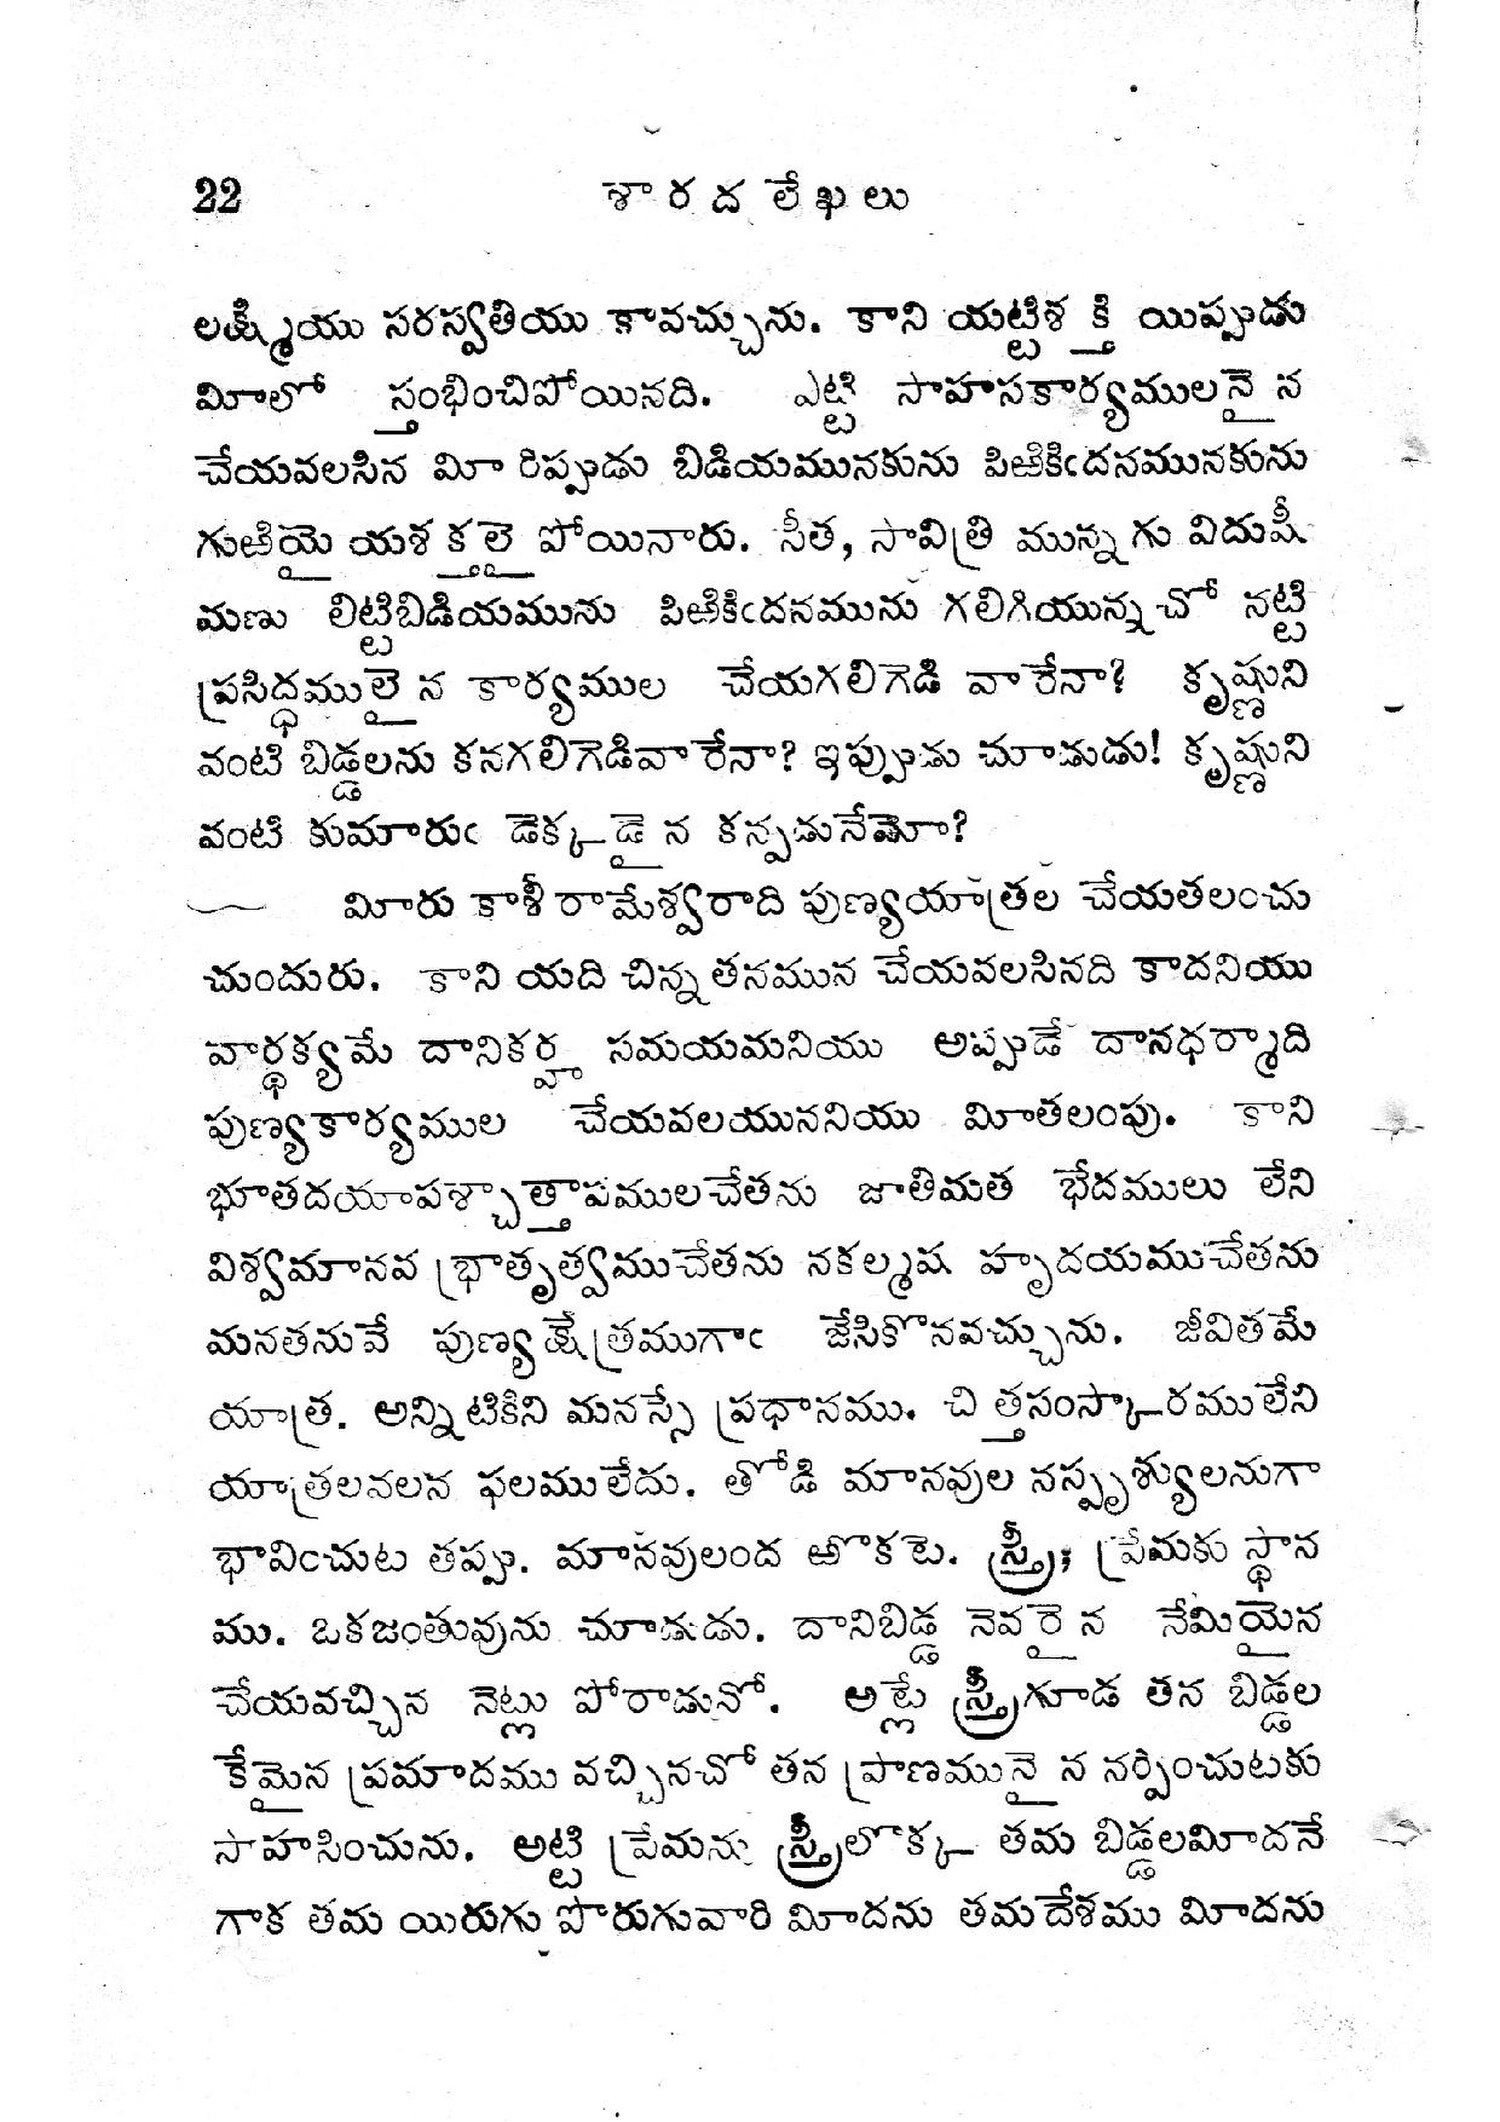లక్ష్మియు సరస్వతియు కావచ్చును. కాని యట్టిశక్తి యిప్పుడు విూలో స్తంభించిపోయినది. ఎట్టి సాహసకార్యములనైన చేయవలసిన విూ రిప్పుడు బిడియమునకును పిఱికిఁదనమునకును గుఱియై యశక్తలై పోయినారు. సీత, సావిత్రి మున్నగు విదుషీమణు లిట్టిబిడియమును పిఱికిఁదనమును గలిగియున్నచో నట్టి ప్రసిద్ధములైన కార్యముల చేయగలిగెడి వారేనా? కృష్ణుని వంటి బిడ్డలను కనగలిగెడివారేనా? ఇప్పుడు చూడుడు! కృష్ణుని వంటి కుమారుఁ డెక్కడైన కన్పడునేమో?

విూరు కాశీరామేశ్వరాది పుణ్యయాత్రల చేయతలంచు చుందురు. కాని యది చిన్నతనమున చేయవలసినది కాదనియు వార్థక్యమే దానికర్హ సమయమనియు అప్పుడే దానధర్మాది పుణ్యకార్యముల చేయవలయుననియు విూతలంపు. కాని భూతదయాపశ్చాత్తాపములచేతను జాతిమత భేదములు లేని విశ్వమానవ భ్రాతృత్వముచేతను నకల్మష హృదయముచేతను మనతనువే పుణ్యక్షేత్రముగా జేసికొనవచ్చును. జీవితమే యాత్ర. అన్నిటికిని మనస్సే ప్రధానము. చిత్తసంస్కారములేని యాత్రలవలన ఫలములేదు. తోడి మానవుల నస్పృశ్యులనుగా భావించుట తప్పు. మానవులంద ఱొకటె. స్త్రీ ప్రేమకు స్థానము. ఒక జంతువును చూడుడు. దానిబిడ్డ నెవరైన నేమియైన చేయవచ్చిన నెట్లు పోరాడునో, అట్లే స్త్రీగూడ తన బిడ్డల కేమైన ప్రమాదము వచ్చినచో తన ప్రాణమునైన నర్పించుటకు సాహసించును. అట్టి ప్రేమను స్త్రీలొక్క తమ బిడ్డలవిూదనే గాక తమ యిరుగు పొరుగువారి విూదను తమదేశము విూదను